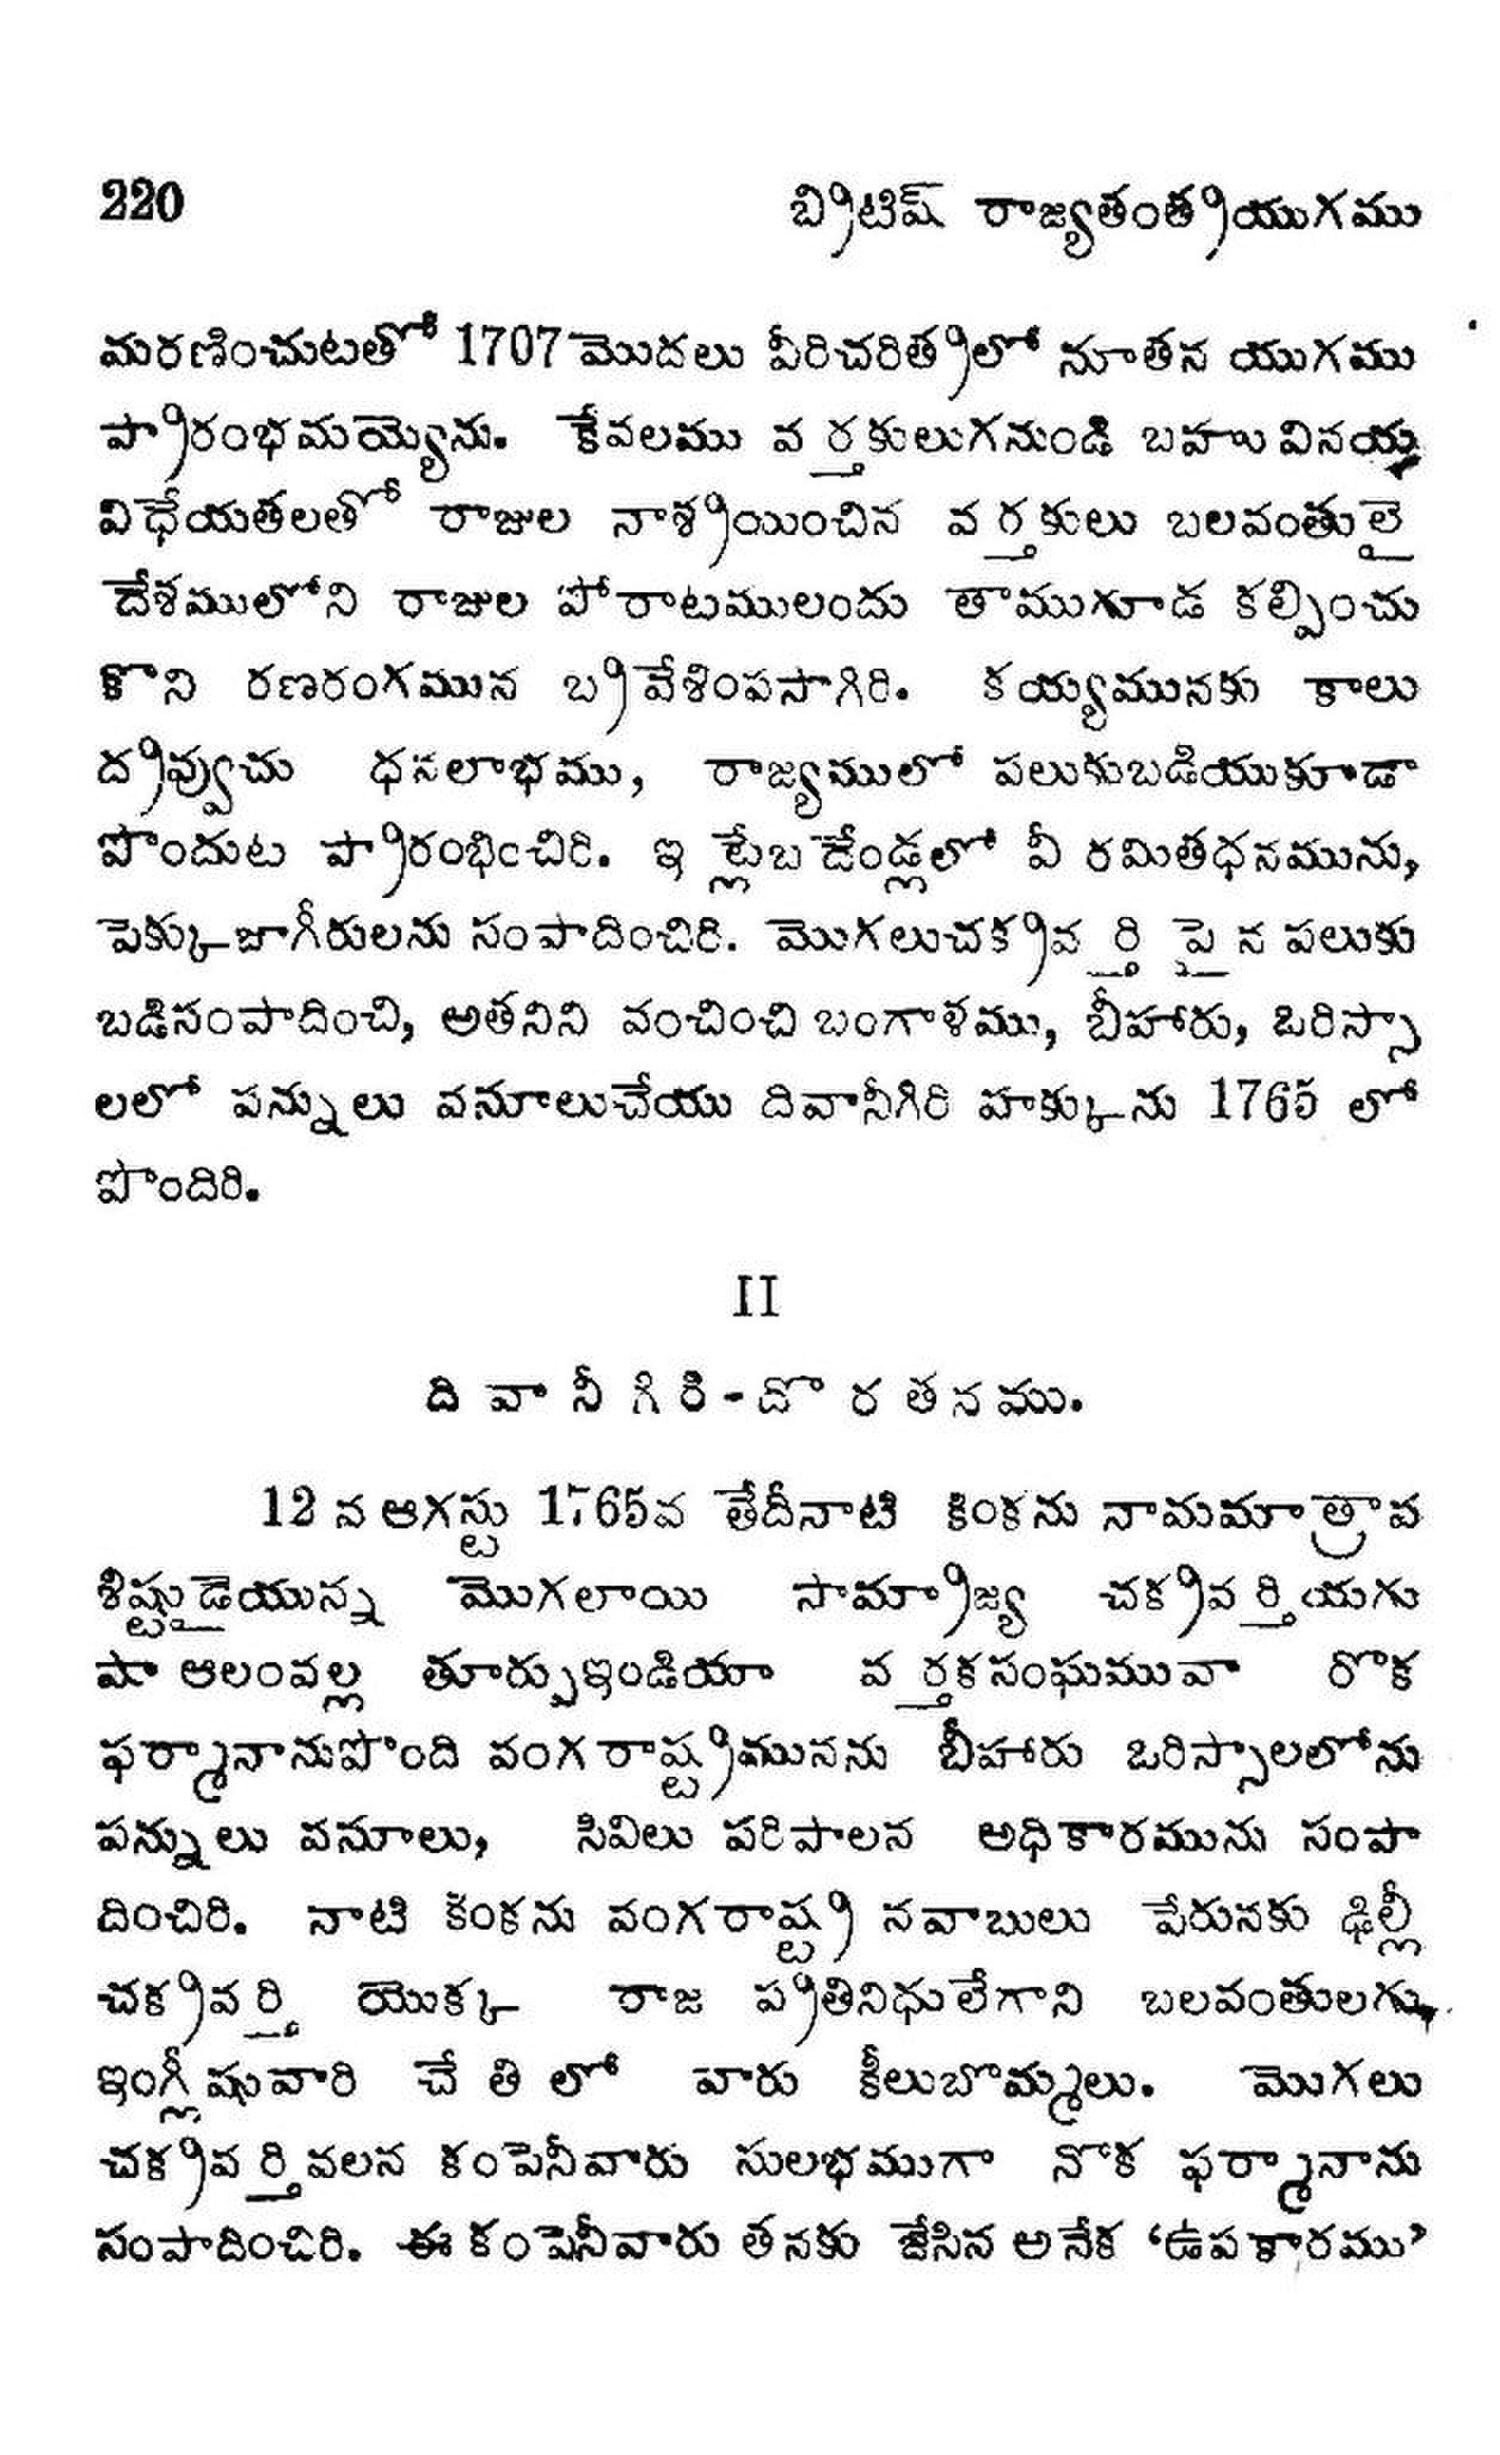మరణించుటతో 1707 మొదలు వీరిచరిత్రలో నూతన యుగము ప్రారంభమయ్యెను. కేవలము వర్తకులుగనుండి బహు వినయ విధేయతలతో రాజుల నాశ్రయించిన వర్తకులు బలవంతులై దేశములోని రాజుల పోరాటములందు తాముగూడ కల్పించుకొని రణరంగమున బ్రవేశింపసాగిరి. కయ్యమునకు కాలు ద్రవ్వుచు ధనలాభము, రాజ్యములో పలుకుబడియుకూడా పొందుట ప్రారంభించిరి. ఇట్లేబదేండ్లలో వీరమితధనమును, పెక్కు జాగీరులను సంపాదించిరి. మొగలుచక్రవర్తి పైన పలుకుబడిసంపాదించి, అతనిని వంచించి బంగాళము, బీహారు, ఒరిస్సాలలో పన్నులు వసూలుచేయు దివానీగిరి హక్కును 1765 లో పొందిరి.

II 
దివానీగిరి దొరతనము. 

12 న ఆగస్టు 1765వ తేదీనాటి కింకను నామమాత్రావశిష్ఠుడైయున్న మొగలాయి సామ్రాజ్య చక్రవర్తియగు షా ఆలంవల్ల తూర్పుఇండియా వర్తకసంఘమువా రొక ఫర్మానానుపొంది వంగరాష్ట్రమునను బీహారు ఒరిస్సాలలోను పన్నులు వసూలు, సివిలు పరిపాలన అధికారమును సంపాదించిరి. నాటి కింకను వంగరాష్ట్ర నవాబులు పేరునకు ఢిల్లీ చక్రవర్తి యొక్క రాజ ప్రతినిధులేగాని బలవంతులగు ఇంగ్లీషువారి చేతిలో వారు కీలుబొమ్మలు. మొగలు చక్రవర్తి వలన కంపెనీవారు సులభముగా నొక ఫర్మానాను సంపాదించిరి. ఈ కంపెనీవారు తనకు జేసిన అనేక 'ఉపకారము'